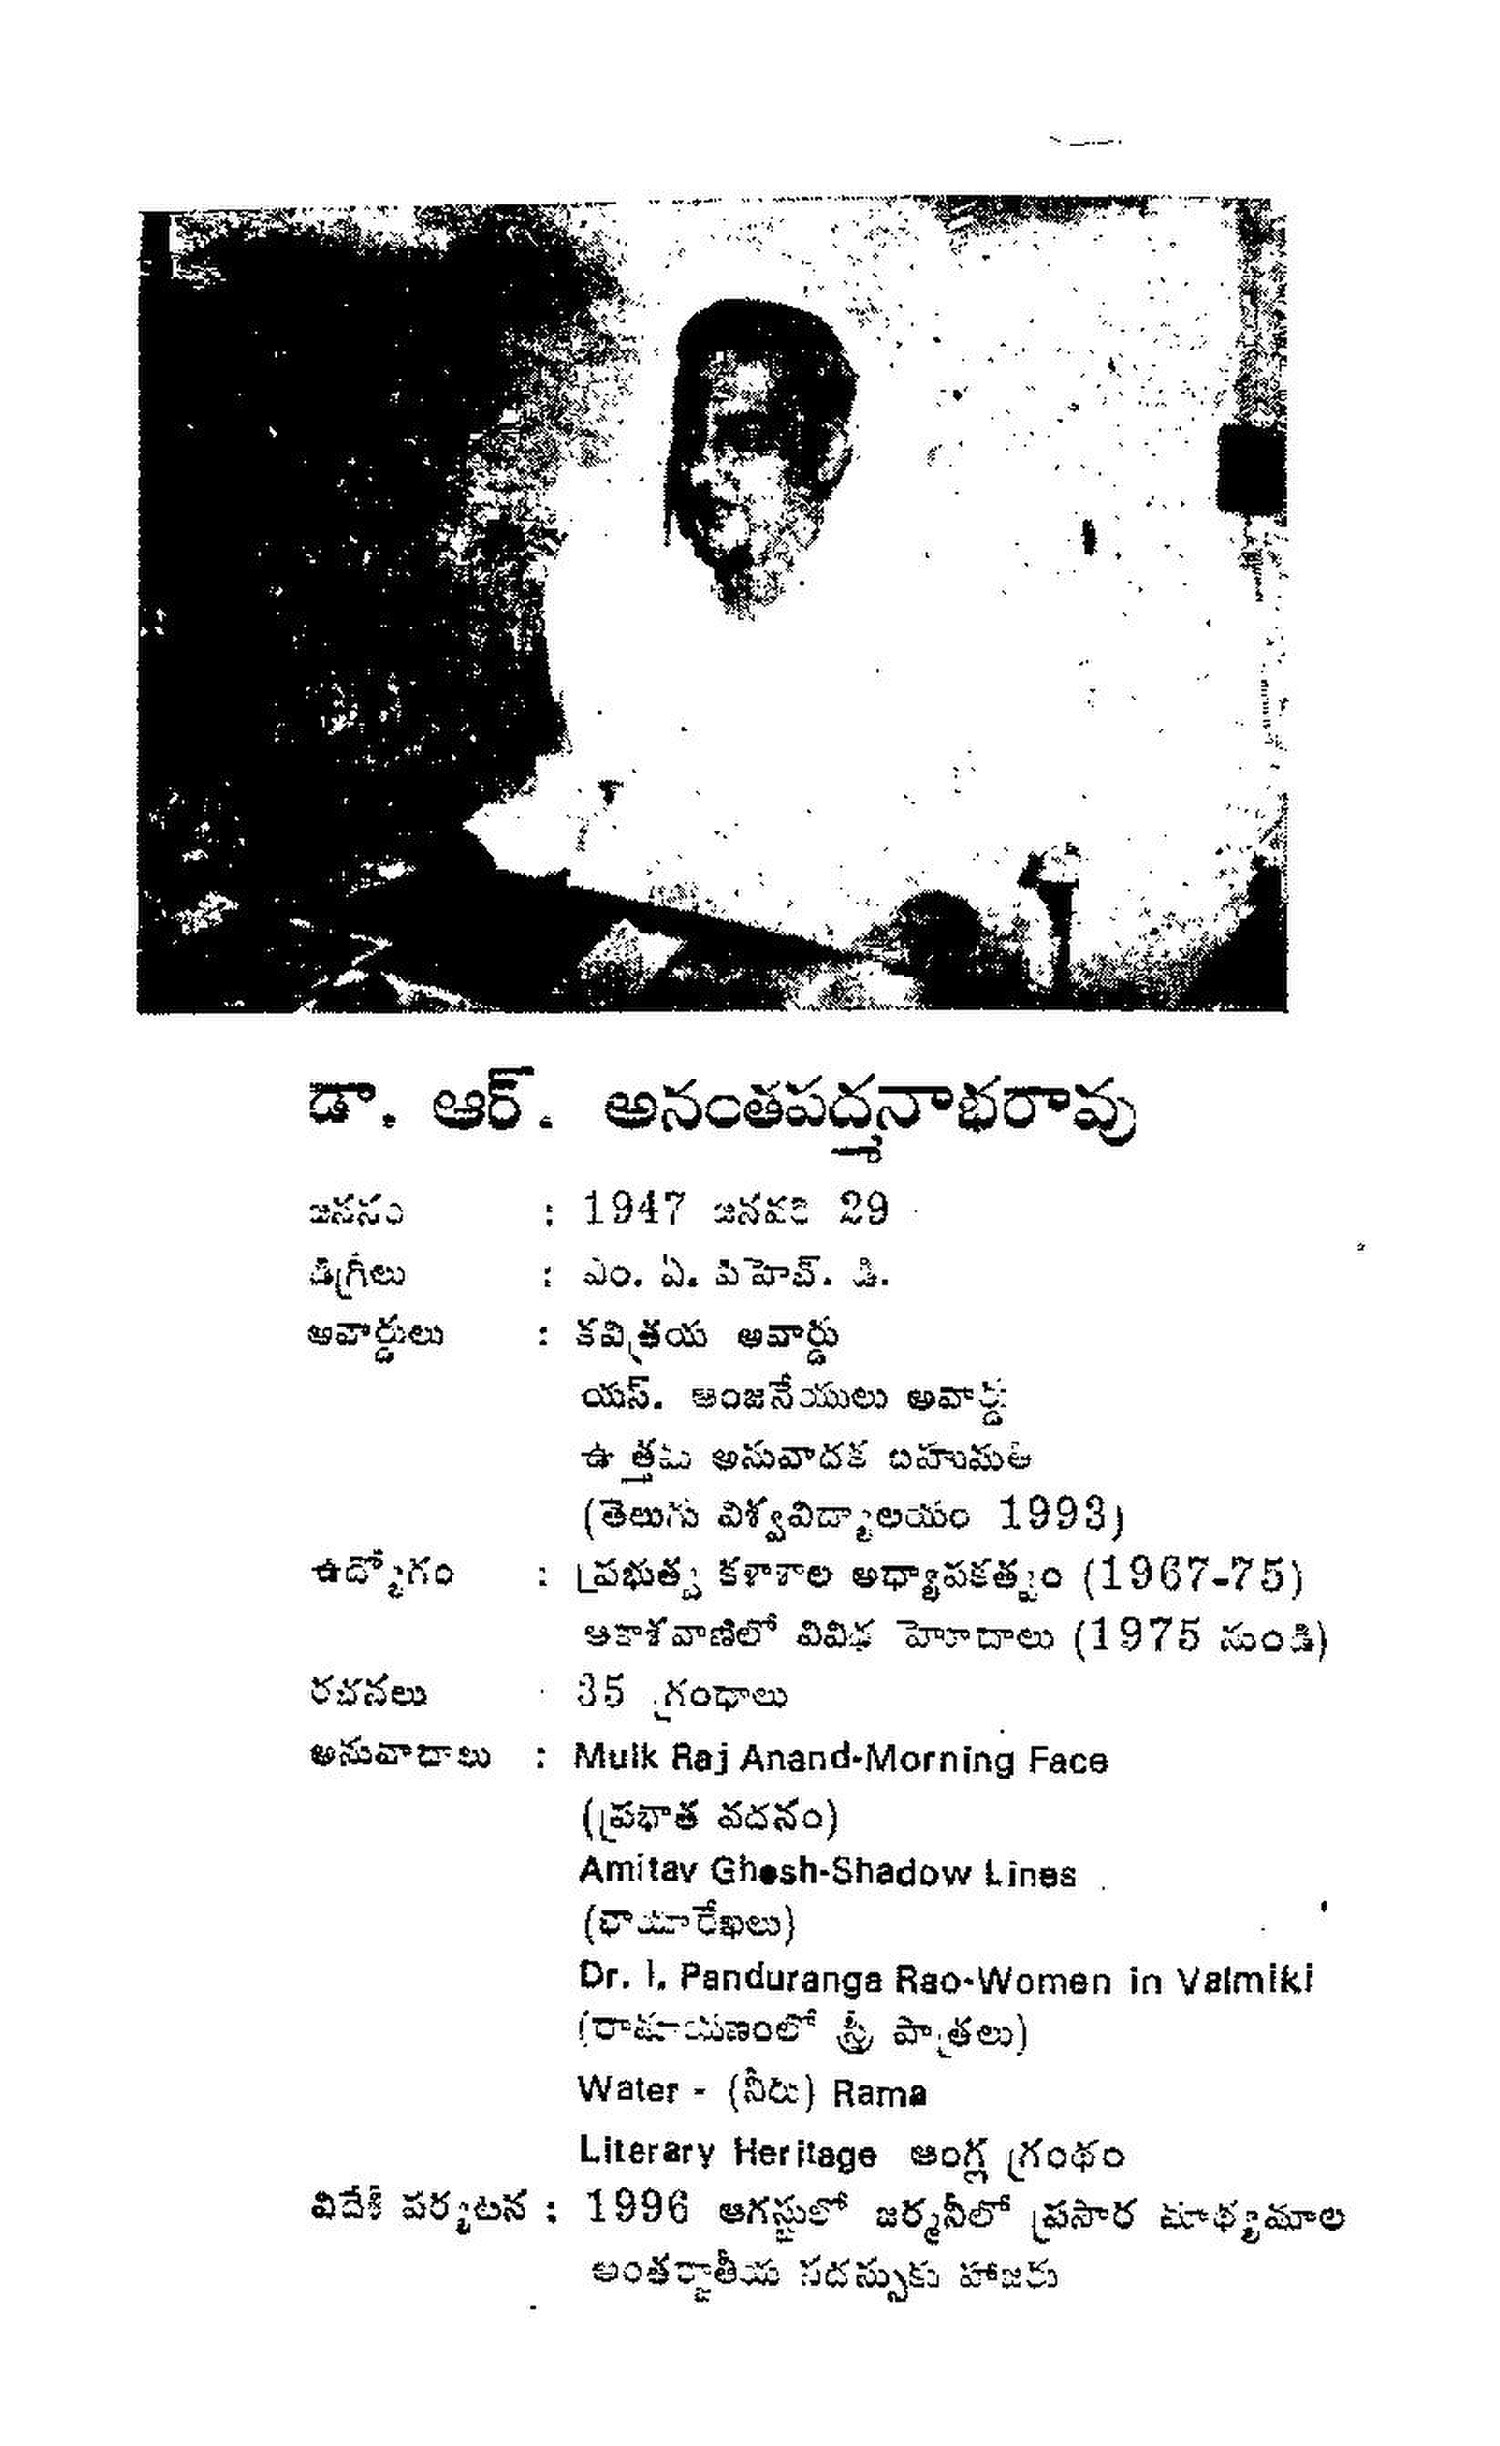జననం : 1947 జనవరి 29

డిగ్రీలు : ఎం.ఏ., పి.హెచ్.డి.

అవార్డులు : కవిత్రయ అవార్డు
యస్. ఆంజనేయులు అవార్డు
ఉత్తమ అనువాదక బహుమతి (తెలుగు విశ్వవిద్యాలయం 1993)

ఉద్యోగం : ప్రభుత్వ కళాశాల అధ్యాపకత్వం (1967-75)

ఆకాశవాణిలో వివిధ హోదాలు (1975 నుండి)

రచనలు : 35 గ్రంధాలు

అనువాదాలు : Muik Raj Anand-Morning Face (ప్రభాత వదనం)

Amitav Ghosh-Shadow lines
(ఛాయారేఖలు)
Dr. I. Panduranga Rao-Women in Valmiki (రామాయణంలో స్త్రీ పాత్రలు)

Water (నీరు)

Rama Literary Heritage ఆంగ్ల గ్రంథం

విదేశీ పర్యటన : 1996 ఆగష్టులో జర్మని ప్రసార మాధ్యమాల అంతర్జాతీయ సదస్సుకు హాజరు